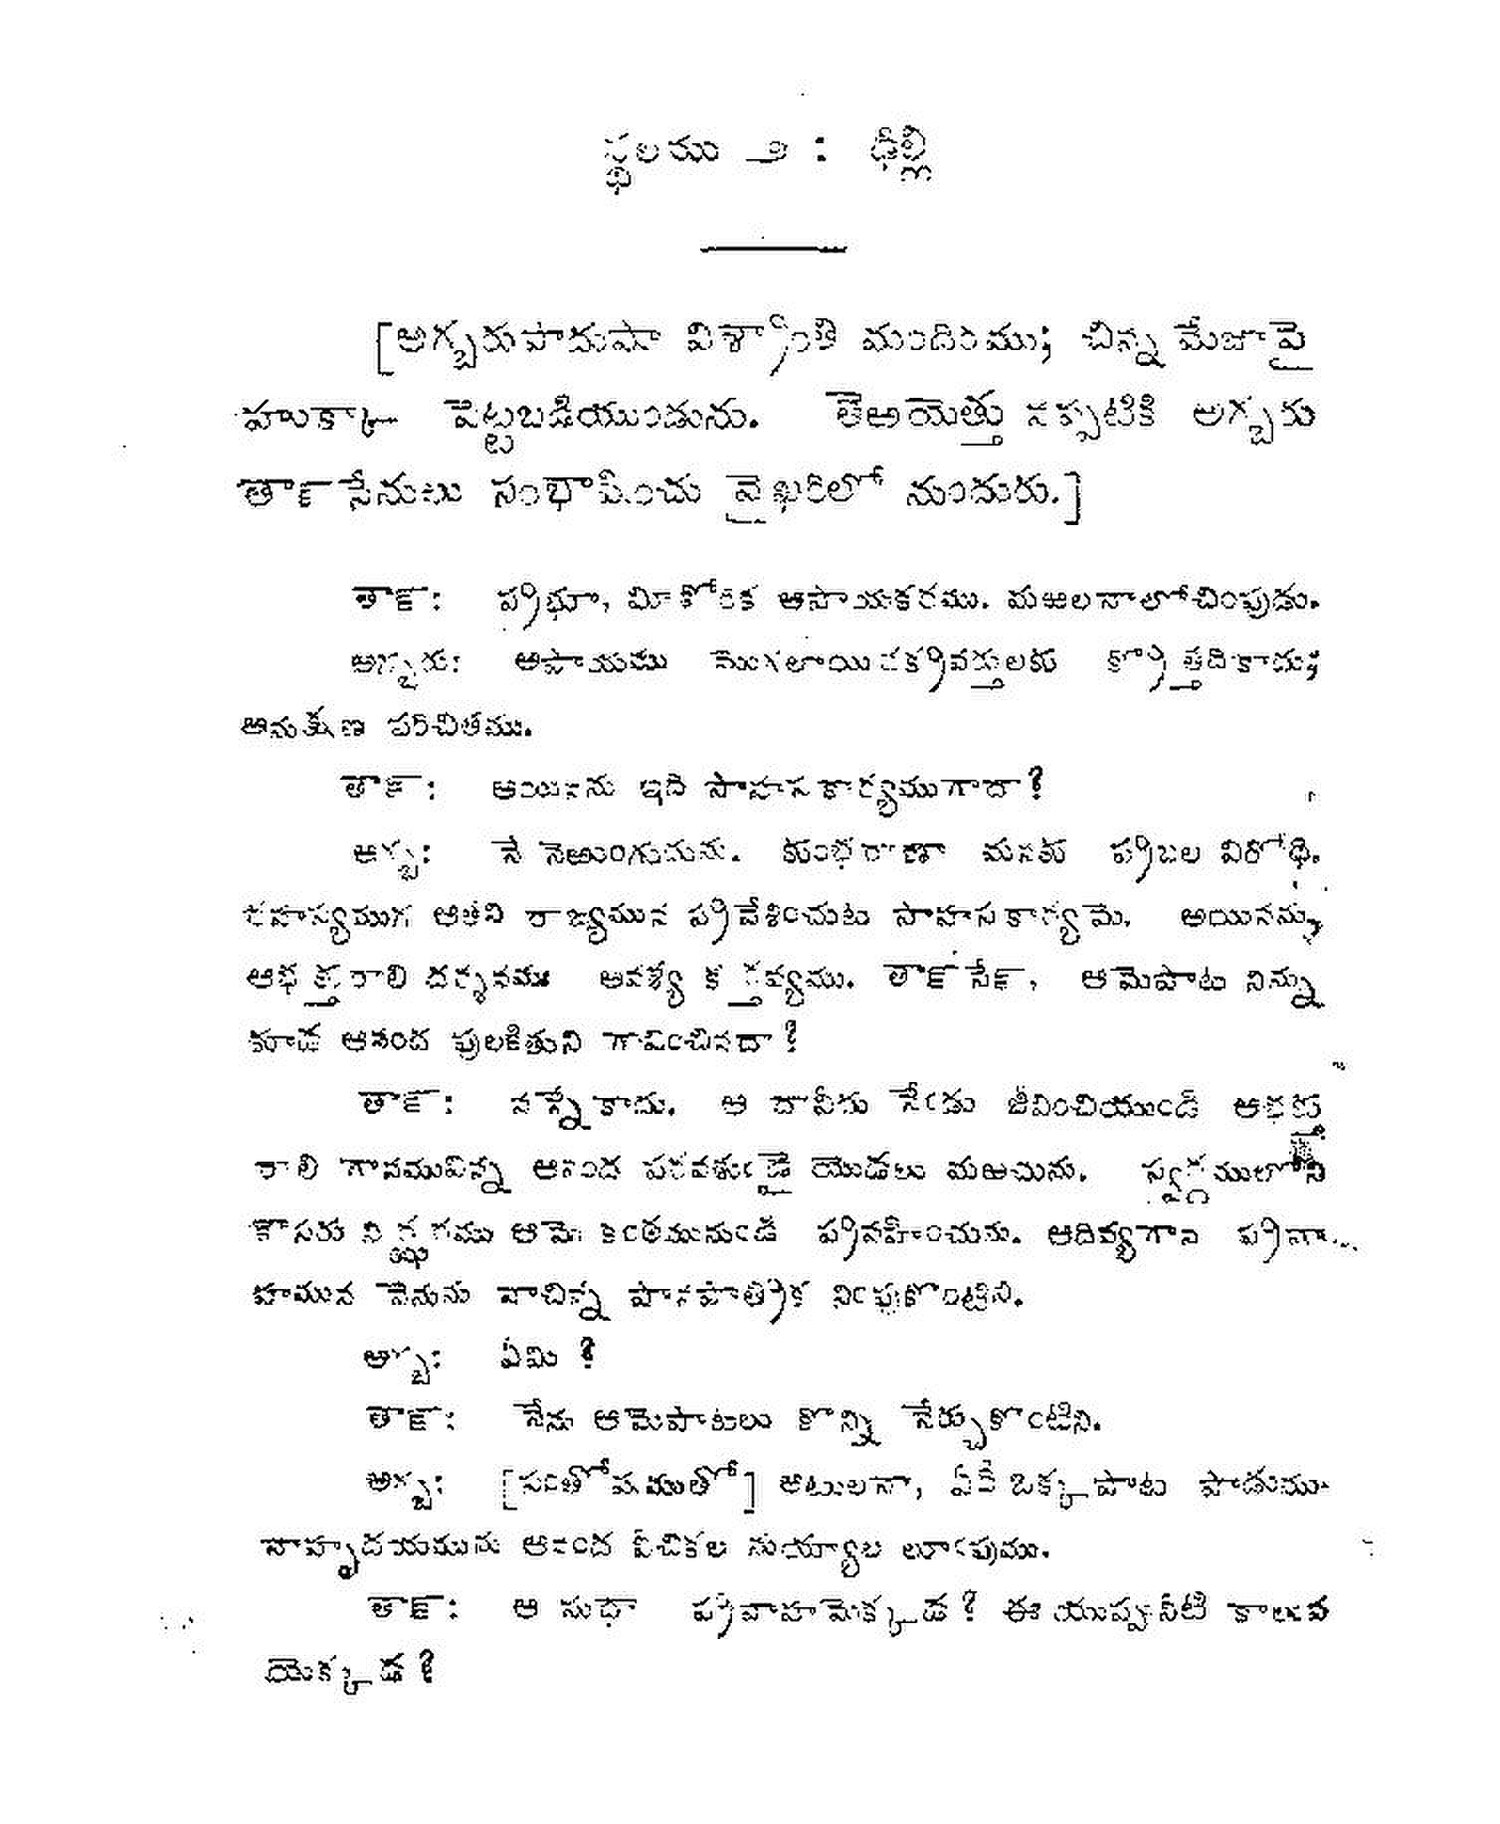తాన్ : ప్రభూ, మీకోరిక అపాయకరము. మఱలనాలోచింపుడు. 

అగ్బరు : అపాయము మొగలాయిచక్రవర్తులకు క్రొత్తది కాదు; అనుక్షణ పరిచితము.

తాన్ : అయినను ఇది సాహసకార్యముగాదా ?

అగ్బ : నే నెఱుంగుదును. కుంభరాణా మనకు ప్రబల విరోధి. రహస్యముగ ఆతని రాజ్యమున ప్రవేశించుట సాహసకార్యమె. అయినను, ఆభక్తురాలి దర్శనము అవశ్య కర్తవ్యము. తాన్‌సేన్, ఆమెపాట నిన్ను కూడ ఆనంద పులకితుని గావించినదా?

తాన్ : నన్నేకాదు. ఆ దావీదు నేఁడు జీవించియుండి ఆభక్తురాలి గానమువిన్న ఆనంద పరవశుఁడై యొడలు మఱచును. స్వర్గములోని కౌసరు నిర్ఝరము ఆమె కంఠమునుండి ప్రవహించును. ఆదివ్యగాన ప్రవాహమున నేనును నాచిన్న పానపాత్రిక నింపుకొంటిని.

అగ్బ : ఏమి ?

తాన్ : నేను ఆమెపాటలు కొన్ని నేర్చుకొంటిని.

అగ్బ : [సంతోషముతో] అటులనా, ఏదీ ఒక్కపాట పాడుము. నాహృదయమును ఆనంద వీచికల నుయ్యాల లూఁపుము.

తాన్ : ఆ సుధా ప్రవాహమెక్కడ ? ఈ యుప్పునీటి కాలువ యెక్కడ ?